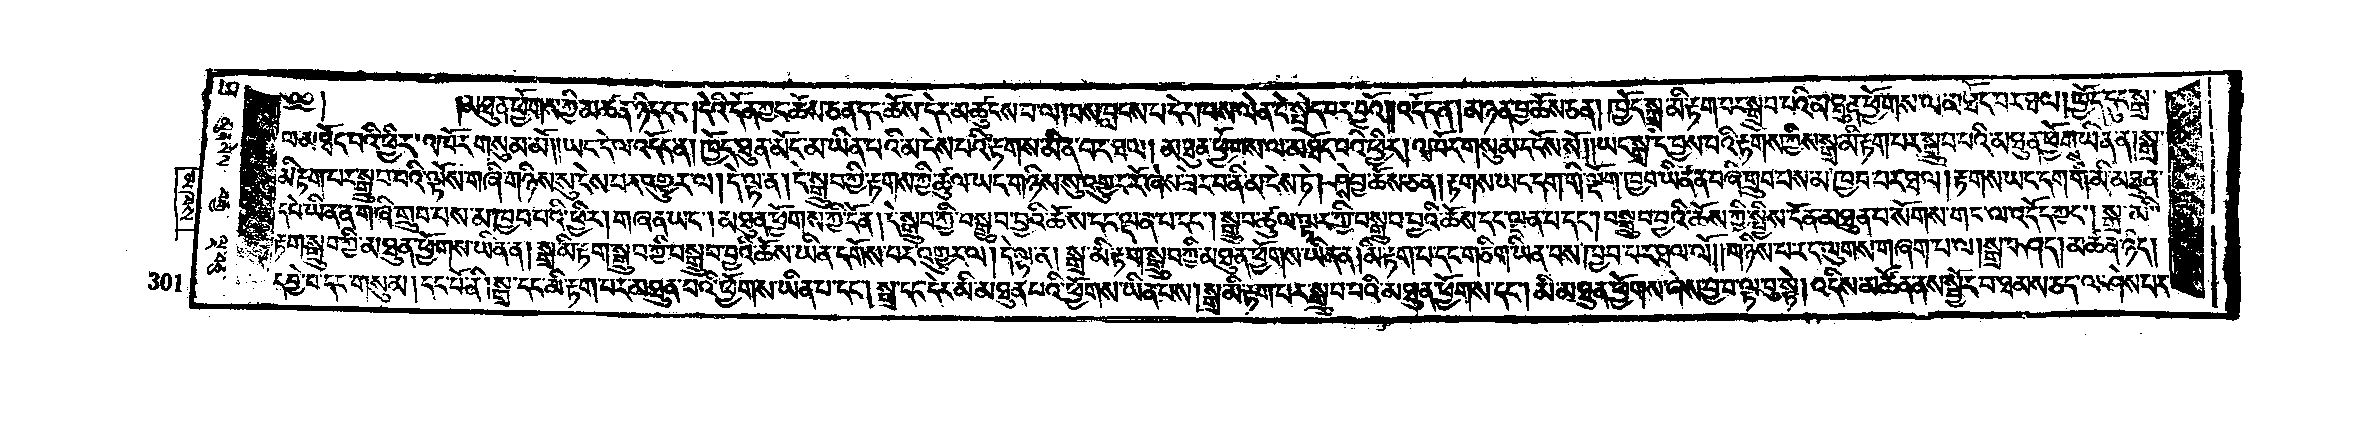༄༅། །མཐུན་ཕྱོགས་ཀྱི་མཚན་ཉིད་དང་། དེའི་དོན་ཀྱང་ཆོས་ཅན་དང་ཆོས་དེར་མཚུངས་པ་ལ་ཁས་བླངས་པ་དེར་ཁས་ལེན་ངོ་སྤྲོད་པར་བྱའོ། ?་།འདོད་ན། མཉན་བྱ་ཆོས་ཅན། ཁྱོད་སྒྲ་མི་རྟག་པར་སྒྲུབ་པའི་མཐུན་ཕྱོགས་ལ་མཐོང་བར་ཐལ། ཁྱོད་དུང་སྒྲ་
ལ་མཐོང་བའི་ཕྱིར། འཁོར་གསུམ་མོ། །ཡང་དེ་ལ་འདོད་ན། ཁྱོད་ཐུན་མོང་མ་ཡིན་པའི་མ་ངེས་པའི་རྟགས་མིན་པར་ཐལ། མཐུན་ཕྱོགས་ལ་མཐོང་བའི་ཕྱིར། འཁོར་གསུམ་དངོས་སོ། །ཡང་སྒྲ་དེ་བྱས་པའི་རྟགས་ཀྱིས་སྒྲ་མི་རྟག་པར་སྒྲུབ་པའི་མཐུན་ཕྱོགས་ཡིན་ན། སྒྲ་
མི་རྟག་པར་སྒྲུབ་པའི་ལྟོས་གཞི་གཉིས་སུ་ངེས་པར་འགྱུར་ལ། དེ་ལྟ་ན། དེ་སྒྲུབ་ཀྱི་རྟགས་ཀྱི་ཚུལ་ཡང་གཉིས་སུ་འགྱུར་རོ་ཞེས་ཟེར་བ་ནི་མ་ངེས་ཏེ། ཤེས་བྱ་ཆོས་ཅན། རྟགས་ཡང་དག་གི་ལྡོག་ཁྱབ་ཡིན་ན་བཞི་གྲུབ་པས་མ་ཁྱབ་པར་ཐལ། རྟགས་ཡང་དག་གི་མི་མཐུན་
དཔེ་ཡིན་ན་གཞི་གྲུབ་པས་མ་ཁྱབ་པའི་ཕྱིར། གཞན་ཡང་། མཐུན་ཕྱོགས་ཀྱི་དོན། དེ་སྒྲུབ་ཀྱི་བསྒྲུབ་བྱའི་ཆོས་དང་ལྡན་པ་དང་། སྒྲུབ་ཚུལ་ལྟར་གྱི་བསྒྲུབ་བྱའི་ཆོས་དང་ལྡན་པ་དང་། བསྒྲུབ་བྱའི་ཆོས་ཀྱི་སྤྱིས་དོན་མཐུན་པ་སོགས་གང་ལ་འདོད་ཀྱང་། སྒྲ་མི་
རྟག་སྒྲུབ་ཀྱི་མཐུན་ཕྱོགས་ཡིན་ན། སྒྲ་མི་རྟག་སྒྲུབ་ཀྱི་བསྒྲུབ་བྱའི་ཆོས་ཡིན་དགོས་པར་འགྱུར་ལ། དེ་ལྟ་ན། སྒྲ་མི་རྟག་སྒྲུབ་ཀྱི་མཐུན་ཕྱོགས་ཡིན་ན། མི་རྟག་པ་དང་གཅིག་ཡིན་པས་ཁྱབ་པར་ཐལ་ལོ། །གཉིས་པ་རང་ལུགས་གཞག་པ་ལ། སྒྲ་བཤད། མཚན་ཉིད།
དབྱེ་བ་དང་གསུམ། དང་པོ་ནི། སྒྲ་དང་མི་རྟག་པར་མཐུན་པའི་ཕྱོགས་ཡིན་པ་དང་། སྒྲ་དང་དེར་མི་མཐུན་པའི་ཕྱོགས་ཡིན་པས། སྒྲ་མི་རྟག་པར་སྒྲུབ་པའི་མཐུན་ཕྱོགས་དང་། མི་མཐུན་ཕྱོགས་ཞེས་བྱ་བ་ལྟ་བུ་སྟེ། འདིས་མཚོན་ནས་སྦྱོར་བ་ཐམས་ཅད་ལ་ཤེས་པར་